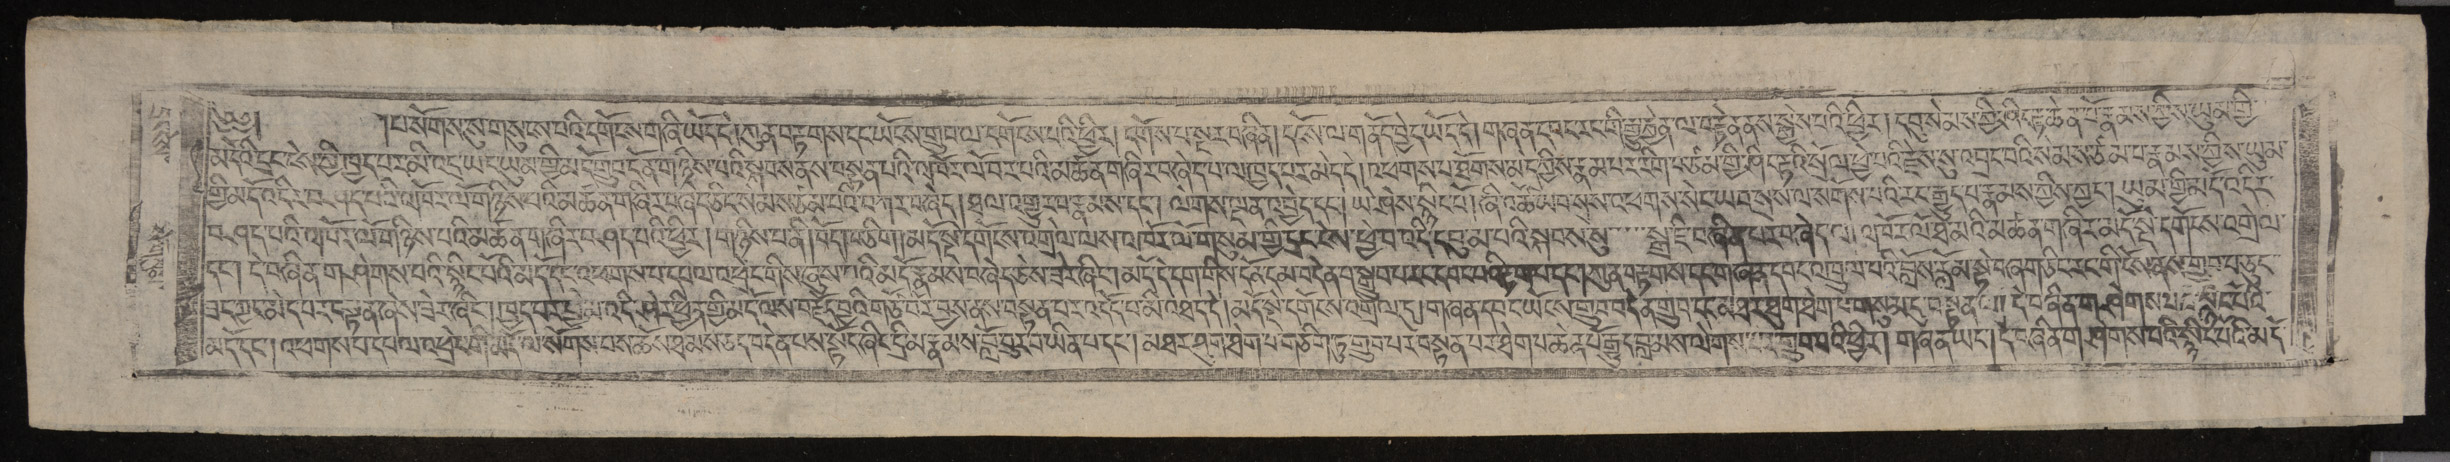༄༅། །པ་སོགས་སུ་གསུངས་པའི་དགོངས་གཞི་ཡོད་དེ། ཀུན་བརྟགས་དང་ཡོངས་གྲུབ་ལ་དགོངས་པའི་ཕྱིར། དགོས་པ་སྔར་བཞིན། དངོས་ལ་གནོད་བྱེད་ཡོད་དེ། གཞན་དབང་རང་གི་རྒྱུ་རྐྱེན་ལ་བརྟེན་ནས་སྐྱེས་པའི་ཕྱིར། དབུ་སེམས་ཀྱི་ཤིང་རྟ་ཆེན་པོ་རྣམས་ཀྱིས་ཡུམ་གྱི་
མདོའི་དྲང་ངེས་ཀྱི་ཁྱད་པར་མི་འདྲ་ཡང་ཡུམ་གྱི་མདོ་གྲུབ་དོན་གཉིས་པའི་སྐབས་ནས་བསྟན་པའི་འཁོར་ལོ་བར་པའི་མཚན་གཞིར་བཞེད་པ་ལ་ཁྱད་པར་མེད་དེ། འཕགས་པ་ཐོགས་མེད་ཀྱིས་རྣམ་པར་རིག་པ་ཙམ་གྱི་ཤིང་རྟའི་སྲོལ་ཕྱེ་བའི་རྗེས་སུ་འབྲང་བའི་སེམས་ཙམ་པ་རྣམས་ཀྱིས་ཡུམ་
གྱི་མདོ་འདིར་བཤད་པའི་འཁོར་ལོ་གཉིས་པའི་མཚན་གཞིར་བཞེད་ཅིང་སེམས་ཙམ་པའི་བཀར་བཞེད། ཐལ་འགྱུར་བ་རྣམས་དང་། ལེགས་ལྡན་འབྱེད་དང་། ཡེ་ཤེས་སྙིང་པོ། ཞི་འཚོ་ཡབ་སྲས་འཕགས་སེང་ཡབ་སྲས་ལ་སོགས་པའི་རང་རྒྱུད་པ་རྣམས་ཀྱིས་ཀྱང་། ཡུམ་གྱི་མདོ་འདིར་
བཤད་པའི་འཁོར་ལོ་གཉིས་པའི་མཚན་གཞིར་བཤད་པའི་ཕྱིར། གཉིས་པ་ནི། བོད་ཁ་ཅིག །མདོ་སྡེ་དགོངས་འགྲེལ་ལས་འཁོར་ལོ་གསུམ་གྱི་དྲང་ངེས་ཕྱེ་བ་འདི་དབུ་མ་པའི་སྐབས་སུ་སྒྲ་ཇི་བཞིན་པར་བཞེད་ལ། འཁོར་ལོ་ཐ་མའི་མཚན་གཞིར་མདོ་སྡེ་དགོངས་འགྲེལ་
དང་། དེ་བཞིན་གཤེགས་པའི་སྙིང་པོའི་མདོ་དང་འཕགས་པ་དཔལ་འཕྲེང་གིས་ཞུས་པའི་མདོ་རྣམས་བཞེད་ཅེས་ཟེར་ཞིང་། མདོ་དེ་དག་གིས་དོན་དམ་བདེན་པ་སྒྲུབ་པ་རང་དབང་པའི་རྟག་པ་དང་། ཀུན་བརྟགས་དང་གཞན་དབང་འཁྲུལ་པའི་བློས་རློམ་སྟེ་བཞག་ཅིང་རང་གི་ངོས་ནས་གྲུབ་པ་ཅུང་
ཟད་ཀྱང་མེད་པར་བསྟན་ཞེས་ཟེར་ཞིང་། ཁྱད་པར་ཕྱི་མ་འདི་ཤེར་ཕྱིན་གྱི་མདོ་ལས་བརྗོད་བྱའི་གཙོ་བོར་བྱས་ནས་བསྟན་པར་འདོད་པ་མི་འཐད་དེ། མདོ་སྡེ་དགོངས་འགྲེལ་དུ། གཞན་དབང་ཡོངས་གྲུབ་བདེན་གྲུབ་དང་མཐར་ཐུག་ཐེག་པ་གསུམ་དུ་བསྟན་ལ། དེ་བཞིན་གཤེགས་པའི་སྙིང་པོའི་
མདོ་དང་། འཕགས་པ་དཔལ་འཕྲེང་གི་མདོ་ལ་སོགས་པས་ཆོས་ཐམས་ཅད་བདེན་པས་སྟོང་ཞིང་དྲི་མ་རྣམས་བློ་བུར་བ་ཡིན་པ་དང་། མཐར་ཐུག་ཐེག་པ་གཅིག་ཏུ་གྲུབ་པར་བསྟན་པར་ཐེག་པ་ཆེན་པོ་རྒྱུད་བླ་མས་ལེགས་པར་གྲུབ་པའི་ཕྱིར། གཞན་ཡང་། དེ་བཞིན་གཤེགས་པའི་སྙིང་པོའི་མདོ་